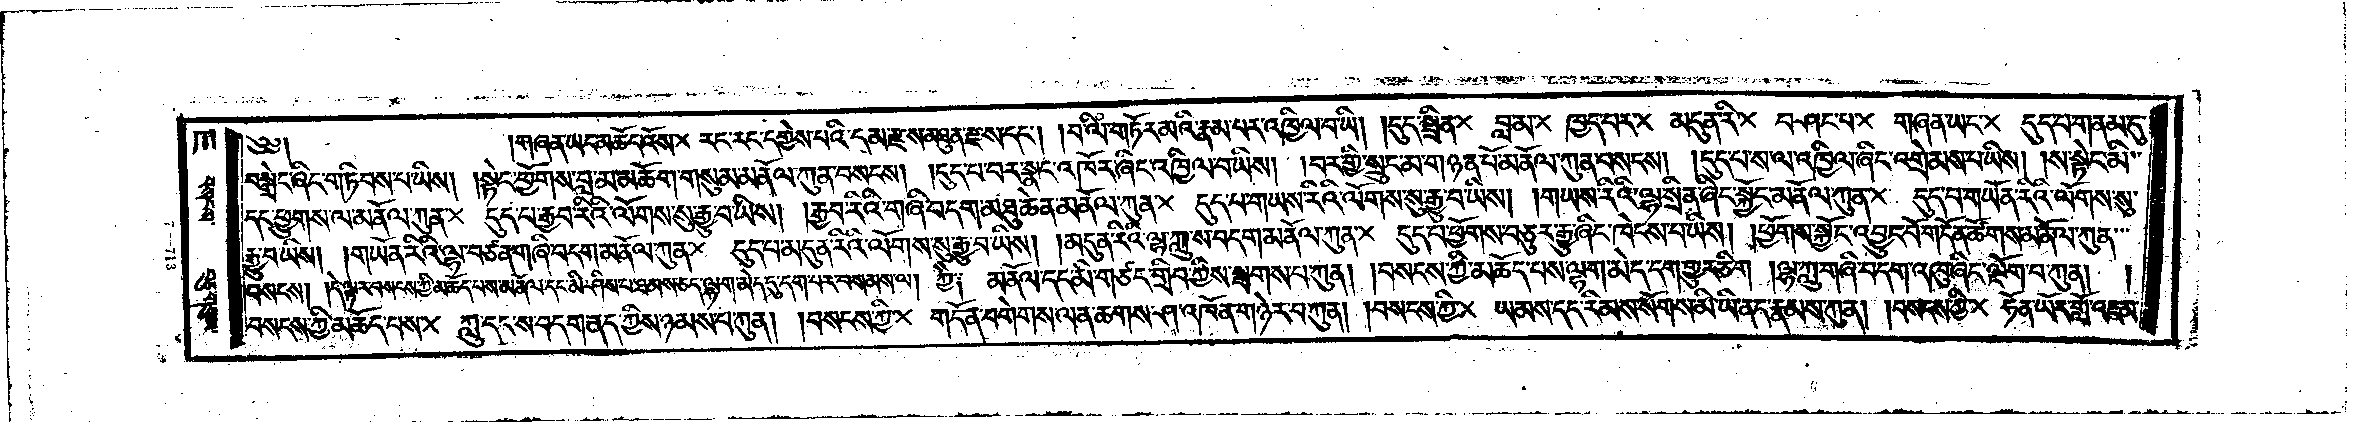༄༅། །གཞན་ཡང་མཆོད་འོས་྾་རང་རང་དགྱེས་པའི་དམ་རྫས་མཐུན་རྫས་དང་། །བ་ལིཾ་གཏོར་མའི་རྣམ་པར་འཁྱིལ་བ་ཡི། །དུད་སྦྲིན་྾་བླ་མ་྾་ཁྱད་པར་྾་མདུན་རི་྾་བཤང་པ་྾་གཞན་ཡང་྾་དུད་བ་གནམ་དུ་
བསྒྲེང་ཞིང་གཏིབས་པ་ཡིས། །སྟེང་ཕྱོགས་བླ་མ་མཆོག་གསུམ་མནོལ་ཀུན་བསངས། །དུད་པ་བར་སྣང་འཁོར་ཞིང་འཁྱིལ་བ་ཡིས། །བར་གྱི་སྲུང་མ་གཉན་པོ་མནོལ་ཀུན་བསངས། །དུད་པ་ས་ལ་འཁྱིལ་ཞིང་འགྲེམས་པ་ཡིས། །ས་སྟེང་མི་
དང་ཕྱུགས་ལ་མནོལ་ཀུན་྾་དུད་པ་རྒྱབ་རིའི་ལོགས་སུ་རྒྱུ་བ་ཡིས། །རྒྱབ་རིའི་གཞི་བདག་མཐུ་ཆེན་མནོལ་ཀུན་྾་དུད་པ་གཡས་རིའི་ལོགས་སུ་རྒྱུ་བ་ཡིས། །གཡས་རིའི་ལྷ་སྲིན་ཞིང་སྐྱོང་མནོལ་ཀུན་྾་དུད་པ་གཡོན་རིའི་ལོགས་སུ་
རྒྱུ་བ་ཡིས། །གཡོན་རིའི་ལྷ་བཙན་གཞི་བདག་མནོལ་ཀུན་྾་དུད་པ་མདུན་རིའི་ལོགས་སུ་རྒྱུ་བ་ཡིས། །མདུན་རིའི་ལྷ་ཀླུ་ས་བདག་མནོལ་ཀུན་྾་དུད་པ་ཕྱོགས་བཅུར་རྒྱུ་ཞིང་ཁེངས་བ་ཡིས། །ཕྱོགས་སྐྱོང་འབྱུང་པོ་གདོན་ཚོགས་མནོལ་ཀུན་
བསངས། །དེ་ལྟར་བསངས་ཀྱི་མཆོད་པས་མནོལ་དང་མི་ཤིས་པ་ཐམས་ཅད་ལྷག་མེད་དུ་དག་པར་བསམས་ལ། ཀྱཻ༑  མནོལ་དང་མི་གཙང་གྲིབ་ཀྱིས་སྦགས་པ་ཀུན། །བསངས་ཀྱི་མཆོད་པས་ལྷག་མེད་དག་གྱུར་ཅིག །ལྷ་ཀླུ་གཞི་བདག་འཁུ་ཞིང་ལྡོག་པ་ཀུན། །
བསངས་ཀྱི་མཆོད་པས་྾་ཀླུ་དང་ས་བདག་ནད་ཀྱིས་ཉམས་པ་ཀུན། །བསངས་ཀྱི་྾་གདོན་བགེགས་ལན་ཆགས་ཤ་འཁོན་གཉེར་བ་ཀུན། །བསངས་ཀྱི་྾་ཡམས་དང་རིམས་སོགས་མི་ཡི་ནད་རྣམས་ཀུན། །བསངས་ཀྱི་྾་ཧོན་ཡོར་གློ་འཇམ་